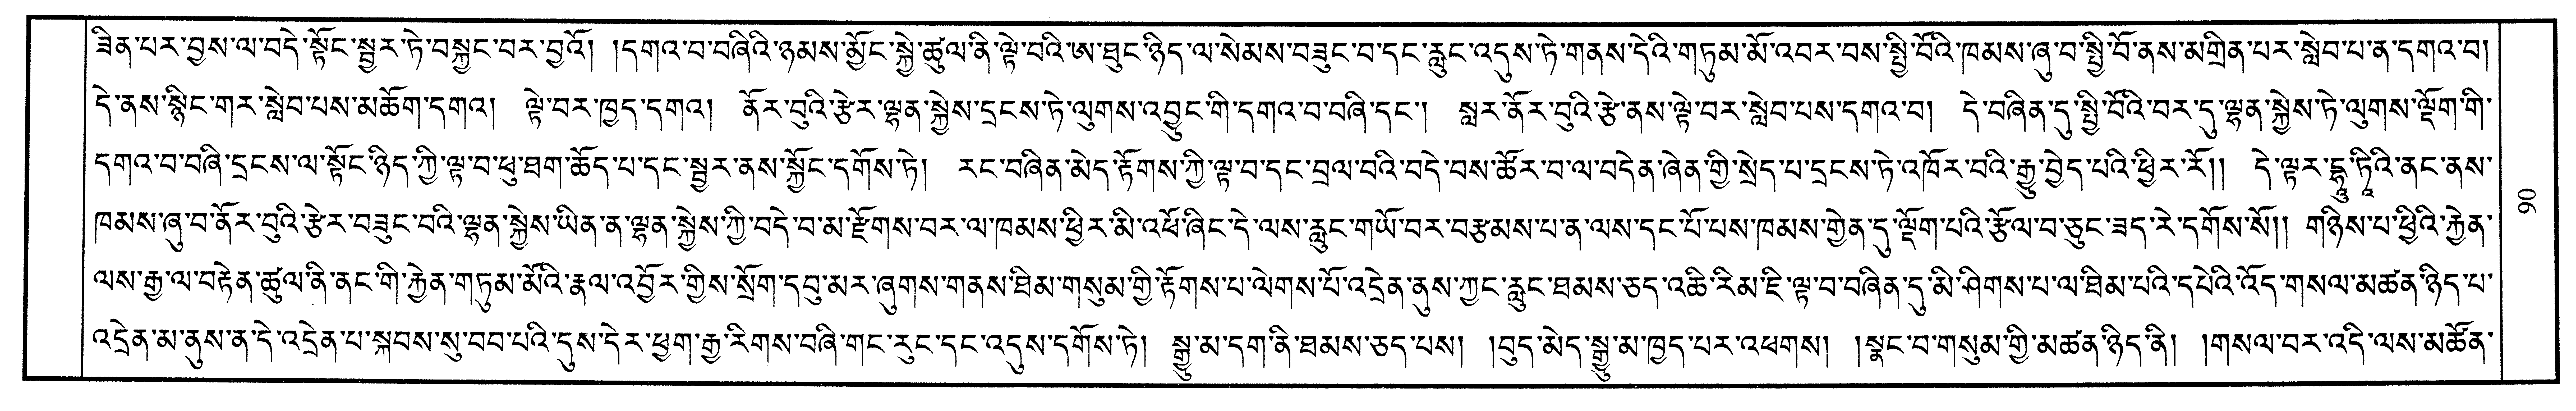ཟིན་པར་བྱས་ལ་བདེ་སྟོང་སྦྱར་ཏེ་བསྐྱང་བར་བྱའོ། །དགའ་བ་བཞིའི་ཉམས་མྱོང་སྐྱེ་ཚུལ་ནི་ལྟེ་བའི་ཨ་ཐུང་ཉིད་ལ་སེམས་བཟུང་བ་དང་རླུང་འདུས་ཏེ་གནས་དེའི་གཏུམ་མོ་འབར་བས་སྤྱི་བོའི་ཁམས་ཞུ་བ་སྤྱི་བོ་ནས་མགྲིན་པར་སླེབ་པ་ན་དགའ་བ།
དེ་ནས་སྙིང་གར་སླེབ་པས་མཆོག་དགའ། ལྟེ་བར་ཁྱད་དགའ། ནོར་བུའི་རྩེར་ལྷན་སྐྱེས་དྲངས་ཏེ་ལུགས་འབྱུང་གི་དགའ་བ་བཞི་དང་། སླར་ནོར་བུའི་རྩེ་ནས་ལྟེ་བར་སླེབ་པས་དགའ་བ། དེ་བཞིན་དུ་སྤྱི་བོའི་བར་དུ་ལྷན་སྐྱེས་ཏེ་ལུགས་ལྡོག་གི་
དགའ་བ་བཞི་དྲངས་ལ་སྟོང་ཉིད་ཀྱི་ལྟ་བ་ཕུ་ཐག་ཆོད་པ་དང་སྦྱར་ནས་སྐྱོང་དགོས་ཏེ། རང་བཞིན་མེད་རྟོགས་ཀྱི་ལྟ་བ་དང་བྲལ་བའི་བདེ་བས་ཚོར་བ་ལ་བདེན་ཞེན་གྱི་སྲེད་པ་དྲངས་ཏེ་འཁོར་བའི་རྒྱུ་བྱེད་པའི་ཕྱིར་རོ། དེ་ལྟར་དྷཱུ་ཏཱིའི་ནང་ནས་
ཁམས་ཞུ་བ་ནོར་བུའི་རྩེར་བཟུང་བའི་ལྷན་སྐྱེས་ཡིན་ན་ལྷན་སྐྱེས་ཀྱི་བདེ་བ་མ་རྫོགས་བར་ལ་ཁམས་ཕྱིར་མི་འཕོ་ཞིང་དེ་ལས་རླུང་གཡོ་བར་བརྩམས་པ་ན་ལས་དང་པོ་པས་ཁམས་གྱེན་དུ་ལྡོག་པའི་རྩོལ་བ་ཅུང་ཟད་རེ་དགོས་སོ།། གཉིས་པ་ཕྱིའི་རྐྱེན་
ལས་རྒྱ་ལ་བརྟེན་ཚུལ་ནི་ནང་གི་རྐྱེན་གཏུམ་མོའི་རྣལ་འབྱོར་གྱིས་སྲོག་དབུ་མར་ཞུགས་གནས་ཐིམ་གསུམ་གྱི་རྟོགས་པ་ལེགས་པོ་འདྲེན་ནུས་ཀྱང་རླུང་ཐམས་ཅད་འཆི་རིམ་ཇི་ལྟ་བ་བཞིན་དུ་མི་ཤིགས་པ་ལ་ཐིམ་པའི་དཔེའི་འོད་གསལ་མཚན་ཉིད་པ་
འདྲེན་མ་ནུས་ན་དེ་འདྲེན་པ་སྐབས་སུ་བབ་པའི་དུས་དེར་ཕྱག་རྒྱ་རིགས་བཞི་གང་རུང་དང་འདུས་དགོས་ཏེ། སྒྱུ་མ་དག་ནི་ཐམས་ཅད་པས། །བུད་མེད་སྒྱུ་མ་ཁྱད་པར་འཕགས། །སྣང་བ་གསུམ་གྱི་མཚན་ཉིད་ནི། །གསལ་བར་འདི་ལས་མཚོན་